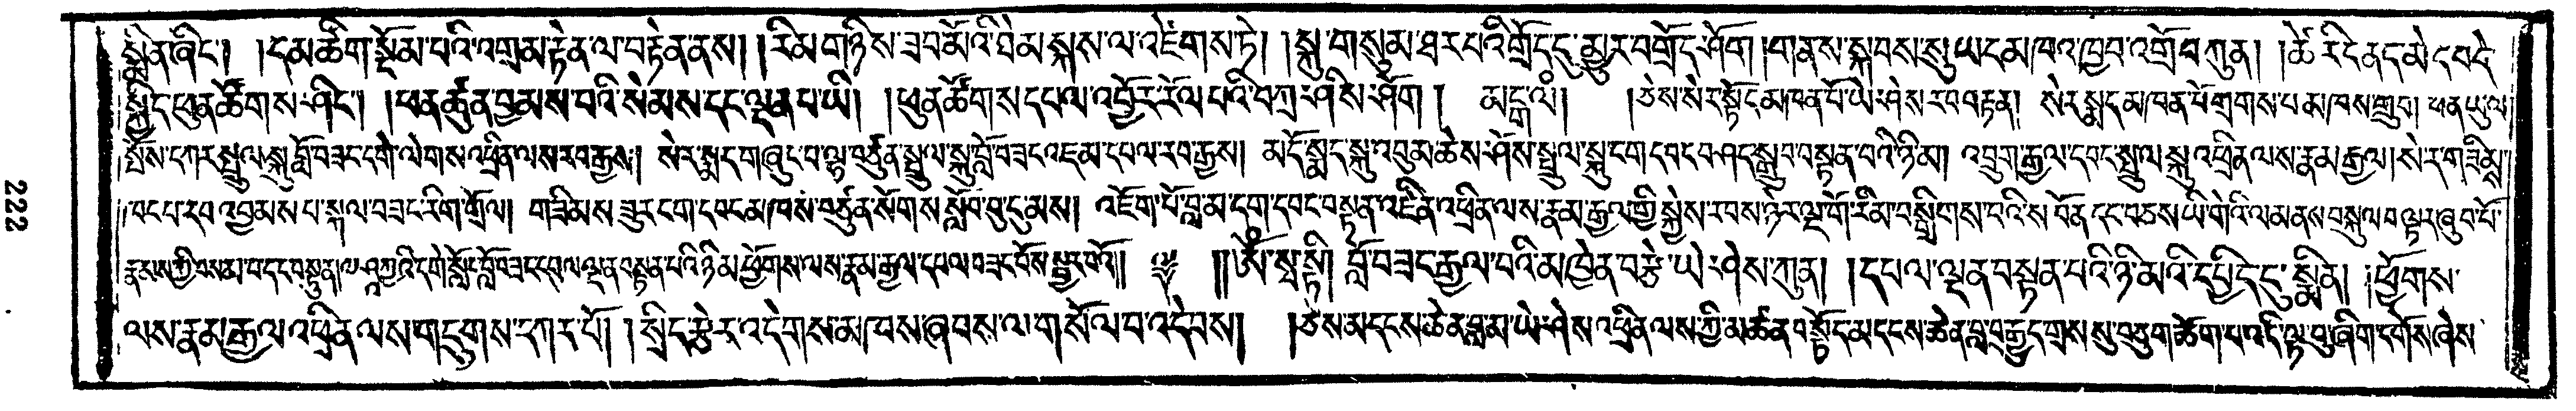སྨིན་ཞིང་། །དམ་ཚིག་སྔོམ་པའི་འགྲམ་རྟེན་ལ་བརྟེན་ནས། །རིམ་གཉིས་ཟབ་མོའི་ཐེམ་སྐས་ལ་འཛེགས་ཏེ། །སྐུ་གསུམ་ཐར་པའི་གྲོ་དཾ་དུ་མྱུར་བགྲོད་ཤོག །གནས་སྐབས་སུ་ཡང་མཁའ་ཁྱབ་འགྲོ་བ་ཀུན། །ཚེ་རིང་ནད་མེད་བདེ་
སྐྱིད་ཕུན་ཚོགས་ཤིང་། །ཕན་ཚུན་བྱམས་པའི་སེམས་དང་ལྡན་པ་ཡི། །ཕུན་ཚོགས་དཔལ་འབྱོར་རོལ་པའི་བཀྲ་ཤིས་ཤོག། མངྒ་ལཾ། །ཅེས་སེར་སྟོང་མཁན་པོ་ཡེ་ཤེས་རབ་བརྟན། སེར་སྨད་མཁན་པོ་གྲགས་པ་མཁས་གྲུབ། ཕན་ཡུལ་
སྤོས་དཀར་སྤྲུལ་སྐུ་བློ་བཟང་དགེ་ལེགས་འཕྲིན་ལས་རབ་རྒྱས། སེར་སྨད་གཞུང་པ་ལྷ་བཙུན་སྤྲུལ་སྐུ་བློ་བཟང་འཇམ་དཔལ་རབ་རྒྱས། མདོ་སྨད་སྐུ་འབུམ་ཆེས་ཤོས་སྤྲུལ་སྐུ་ངག་དབང་བཤད་སྒྲུབ་བསྟན་པའི་ཉི་མ། འབྲུག་རྒྱལ་དབང་སྤྲུལ་སྐུ་འཕྲིན་ལས་རྣམ་རྒྱལ། སེ་ར་གཟིམས་
ཁང་པ་རབ་འབྱམས་པ་སྐལ་བཟང་རིག་གྲོལ། གཟིམས་ཟུར་ངག་དབང་མཁས་བཙུན་སོགས་སློབ་བུ་དུ་མས། འཇོག་པོ་བླ་མ་དག་དབང་བསྟན་འཛིན་འཕྲིན་ལས་རྣམ་རྒྱལ་གྱི་སྐྱེས་རབས་ཉེར་ལྔ་གོ་རིམ་བསྒྲིགས་པའི་ས་བོན་དང་བཅས་ཡི་གེའི་ལམ་ནས་བསྐུལ་བལྟར་ཞུ་བ་པོ་
རྣམས་ཀྱི་བསམ་བ་དང་བསྟུན། ༧་ཤཱཀྱའི་དགེ་སློང་བློ་བཟང་དཔལ་ལྡན་བསྟན་པའི་ཉི་མ་ཕྱོགས་ལས་རྣམ་རྒྱལ་དཔལ་བཟང་བོས་སྦྱར་བའོ།། ༈ །།ཨོཾ་སྭ་སྟི། བློ་བཟང་རྒྱལ་བའི་མཁྱེན་བརྩེ་ཡེ་ཤེས་ཀུན། །དཔལ་ལྡན་བསྟན་པའི་ཉི་མའི་དཔྱིད་དུ་སྨིན། །ཕྱོགས་
ལས་རྣམ་རྒྱལ་འཕྲིན་ལས་གདུགས་དཀར་པོ། །སྲིད་རྩེར་འདེགས་མཁས་ཞབས་ལ་གསོལ་བ་འདེབས། །ཅེས་མདངས་ཆེན་བླ་མ་ཡེ་ཤེས་འཕྲིན་ལས་ཀྱི་མཚན་བསྟོད་མདངས་ཆེན་བླ་བརྒྱུད་གྲས་སུ་བཅུག་ཆོག་པ་འདི་ལྟ་བུ་ཞིག་དགོས་ཞེས་